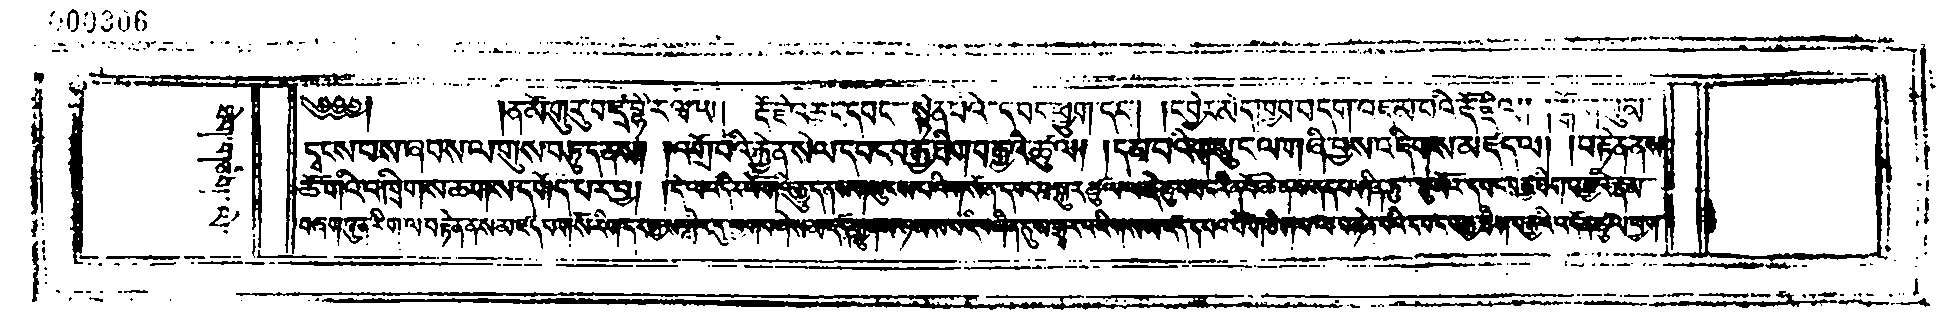༄༅༅། །ན་མོ་གུ་རུ་བཛྲ་བྷཻ་ར་ཝ་ཡ། རྡོ་རྗེ་འཆང་དབང་སྟེན་པའི་དབང་ཕྱུག་དང་། །དབྱེར་མེད་ཁྱབ་བདག་འཇམ་པའི་རྡོ་རྗེ་ལ། །སྒོ་གསུམ་
དྭངས་བས་ཞབས་ལ་གུས་བཏུད་ནས། །འགྲོ་བའི་རྐྱེན་སེལ་དབང་བརྒྱ་ཐིག་བརྒྱའི་ཚུལ། །དམ་པའི་གསུང་ལ་གཞི་བྱས་འཇིགས་མཛད་ལ། །བརྟེན་ནས་
ཆོ་གའི་འཁྲིགས་ཆགས་དགོད་པར་བྱ། །དེ་ལ་འདིར་ཡོ་གའི་རྒྱུད་ནས་གསུངས་པའི་གསོན་དབང་བསྐུར་ཚུལ་ལ་རྗེ་ཆུ་བཟང་རིན་པོ་ཆེ་ནས་ནད་པ་ཤིན་ཏུ་ཐུ་མོར་དབང་བརྒྱ་ཐིག་བརྒྱའི་རྣམ་
བཞག་ཀུན་རིག་ལ་བརྟེན་ནས་མཛད་པ་གསོ་རིག་དར་རྒྱས་གླིང་དུ་ཕྱག་བཞེས་མཛད་རྒྱུན་མ་ཉམས་པ་ཇི་བཞིན་དུས་གྲྭར་འཇིགས་མཛད་དཔའ་པོ་གཅིག་པ་ལ་བརྟེན་པའི་དབང་བརྒྱ་ཐིག་བརྒྱའི་འདོན་ཚུལ་ཕྱག་